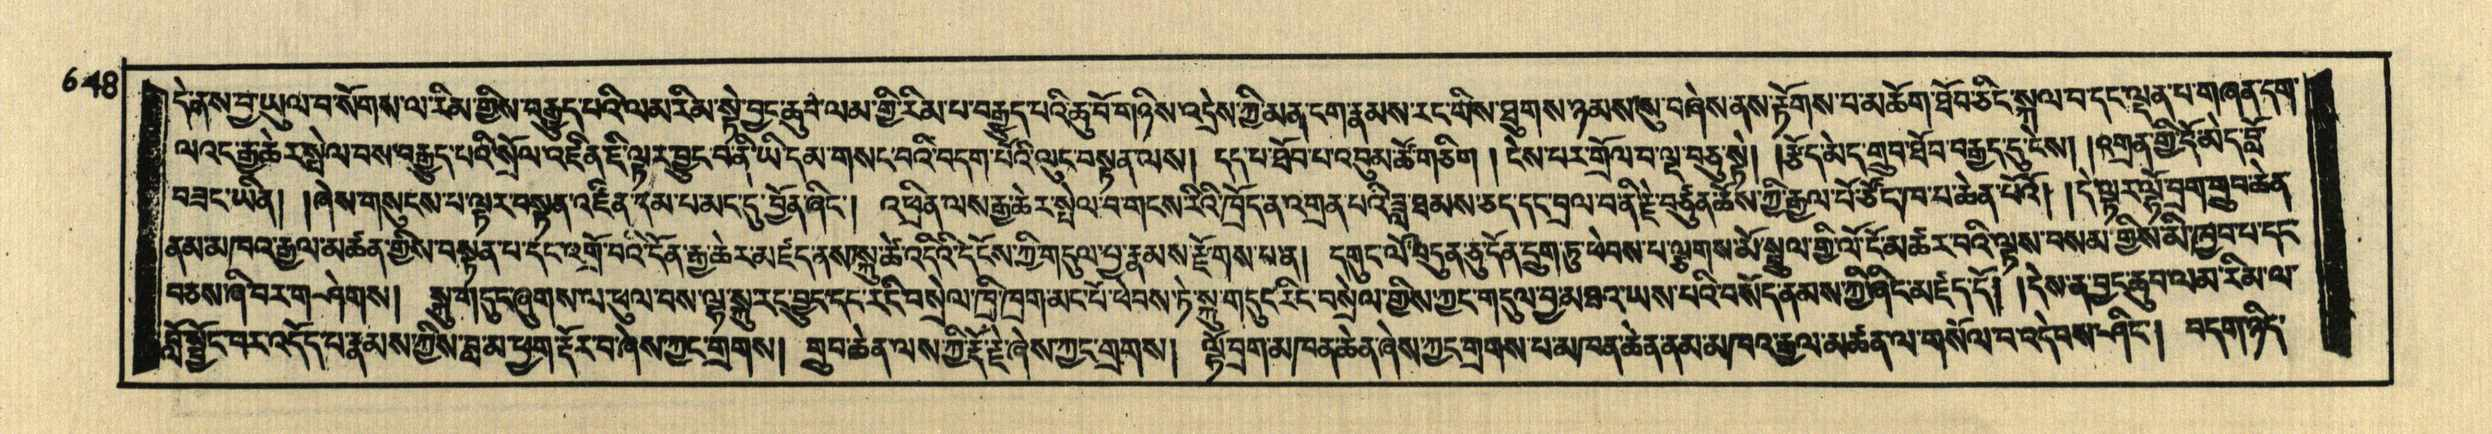དེ་ནས་བྱ་ཡུལ་བ་སོགས་ལ་རིམ་གྱིས་བརྒྱུད་པའི་ལམ་རིམ་སྟེ་བྱང་ཆུབ་ལམ་གྱི་རིམ་པ་བརྒྱུད་པའི་ཆུ་བོ་གཉིས་འདྲེས་ཀྱི་མན་ངག་རྣམས་རང་གིས་ཐུགས་ཉམས་སུ་བཞེས་ནས་རྟོགས་པ་མཆོག་ཐོབ་ཅིང་སྐལ་བ་དང་ལྡན་པ་གཞན་དག་
ལའང་རྒྱ་ཆེར་སྤེལ་བས་བརྒྱུད་པའི་སྲོལ་འཛིན་ཇི་ལྟར་བྱུང་བ་ནི་ཡི་དམ་གསང་བའི་བདག་པོའི་ལུང་བསྟན་ལས། དད་པ་ཐོབ་པ་འབུམ་ཚོ་གཅིག །ངེས་པར་གྲོལ་བ་ལྔ་བཅུ་སྟེ། །རྩོད་མེད་གྲུབ་ཐོབ་བརྒྱད་དུ་ངེས། །འགྲན་གྱི་དོ་མེད་བློ་
བཟང་ཡིན། །ཞེས་གསུངས་པ་ལྟར་བསྟན་འཛིན་དམ་པ་མང་དུ་བྱོན་ཞིང་། འཕྲིན་ལས་རྒྱ་ཆེར་སྤེལ་བ་གངས་རིའི་ཁྲོད་ན་འགྲན་པའི་ཟླ་ཐམས་ཅད་དང་བྲལ་བ་ནི་རྗེ་བཙུན་ཆོས་ཀྱི་རྒྱལ་པོ་ཙོང་ཁ་པ་ཆེན་པོའོ། །དེ་ལྟར་ལྷོ་བྲག་གྲུབ་ཆེན་
ནམ་མཁའ་རྒྱལ་མཚན་གྱིས་བསྟན་པ་དང་འགྲོ་བའི་དོན་རྒྱ་ཆེར་མཛད་ནས་སྐུ་ཚེ་འདིའི་དངོས་ཀྱི་གདུལ་བྱ་རྣམས་རྫོགས་པ་ན། དགུང་ལོ་བདུན་ཅུ་དོན་དྲུག་ཏུ་ཕེབས་པ་ལྕགས་མོ་སྦྲུལ་གྱི་ལོ་ངོ་མཚར་བའི་ལྟས་བསམ་གྱིས་མི་ཁྱབ་པ་དང་
བཅས་ཞི་བར་གཤེགས། སྐུ་གདུང་ཞུགས་ལ་ཕུལ་བས་ལྷ་སྐུ་རང་བྱུང་དང་རིང་བསྲེལ་ཁྲི་ཁྲག་མང་པོ་ཕེབས་ཏེ་སྐུ་གདུང་རིང་བསྲེལ་གྱིས་ཀྱང་གདུལ་བྱ་མཐའ་ཡས་པའི་བསོད་ནམས་ཀྱི་ཞིང་མཛད་དོ། །དེས་ན་བྱང་ཆུབ་ལམ་རིམ་ལ་
བློ་སྦྱོང་བར་འདོད་པ་རྣམས་ཀྱིས་བླ་མ་ཕྱག་རྡོར་བ་ཞེས་ཀྱང་གྲགས། གྲུབ་ཆེན་ལས་ཀྱི་རྡོ་རྗེ་ཞེས་ཀྱང་གྲགས། ལྷོ་བྲག་མཁན་ཆེན་ཞེས་ཀྱང་གྲགས་པ་མཁན་ཆེན་ནམ་མཁའ་རྒྱལ་མཚན་ལ་གསོལ་བ་འདེབས་ཤིང་། བདག་ཉིད་